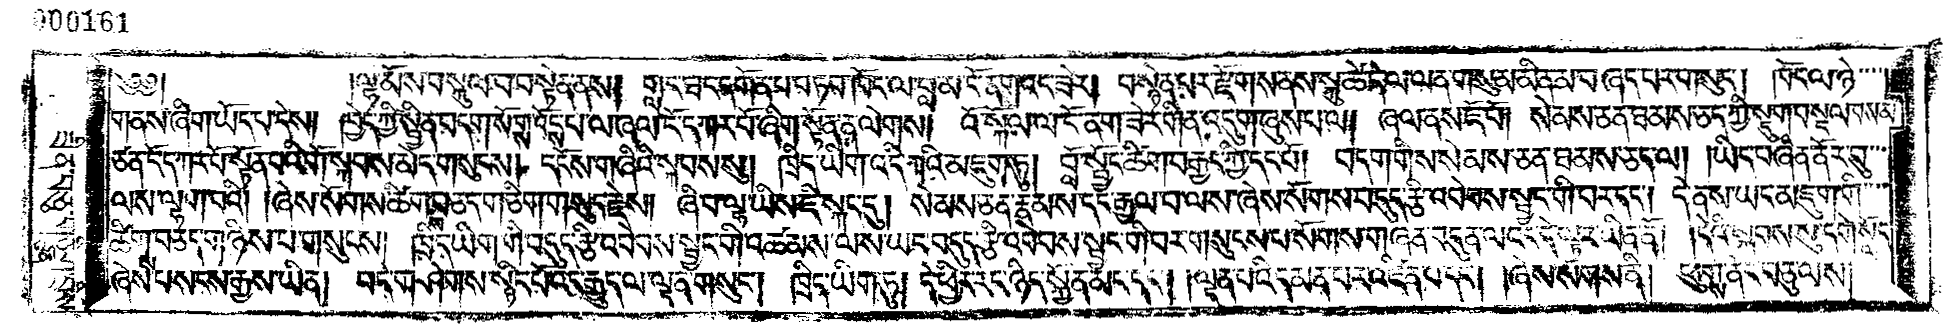༄༅། །ལྷ་མོས་བསྐུལ་བ་བསྟེན་ནས། གླང་ཐང་དགོན་པ་བཏབ་ཁོང་ལ་བླ་མ་ངོ་དགཱང་?་ཟེར། བསྙེན་པར་རྫོགས་ནས་སྐུ་ཚེ་དེ་ལ་ལན་གསུམ་མི་ནམ་བཞད་པར་གསུང་། ཁོང་ལ་ཉེ་
གནས་ཞིག་ཡོད་པ་དེས། ཁྱེད་ཀྱི་སྦྱིན་བདག་སོགས་འོངས་པ་ལ་ཞལ་ངོ་དཀར་པོ་ཞིག་སྟོན་ན་ལེགས། འོ་སྐོལ་ལ་ངོ་ནག་ཟེར་གིན་འདུག་ཞུས་པ་ལ། ཞལ་ནས་ཇོ་བོ། སེམས་ཅན་ཐམས་ཅད་ཀྱི་སྡུག་བསྔལ་བསམ་
ཙན་ངོ་དཀར་པོ་སྟོན་པའི་གོ་སྐབས་མེད་གསུངས། དངོས་གཞིའི་སྐབས་སུ། ཁྲིད་ཡིག་འདི་ཀའི་མཇུག་ཏུ། བློ་སྦྱོང་ཚིག་བརྒྱད་ཀྱི་དང་པོ། བདག་གིས་སེམས་ཅན་ཐམས་ཅད་ལ། །ཡིད་བཞིན་ནོར་བུ་
ལས་ལྷག་པའི། །ཞེས་སོགས་ཚིགས་བཅད་གཅིག་གསུང་རྗེས། ཞི་བ་ལྷ་ཡིས་ཇི་སྐད་དུ། སེམས་ཅན་རྣམས་དང་རྒྱལ་བ་ལས་ཞེས་སོགས་བདུད་རྩི་འབེབས་སྦྱང་གི་བར་དང་། དེ་ནས་ཡང་མཇུག་གི་
ཚིགས་བཅད་གཉིས་པ་གསུངས། ཁྲིད་ཡིག་གི་བདུད་རྩི་འབེབས་སྦྱང་གི་འཚམས་ལས་ཡང་བདུད་རྩི་འབེབས་སྦྱང་གི་བར་གསུངས་པ་སོགས་གཞན་བདུན་ལའང་དེ་ལྟར་ཡིན་ནོ། །དེའི་སྐབས་སུ་དགེ་སློང་
ཞེས་པ་སངས་རྒྱས་ཡིན། བདེ་གཤེགས་སྙིང་པོ་འང་རྒྱུད་ལ་ལྡན་གསུང་། ཁྲིད་ཡིག་ཏུ། དེ་ཕྱིར་རང་ཉིད་སྐྱོན་མང་དང་། །ལྡན་པའི་དམན་པར་འཛིན་པ་དང་། །ཞེས་སོགས་ནི། ཕུགས་ནོར་བཅུ་ལས།